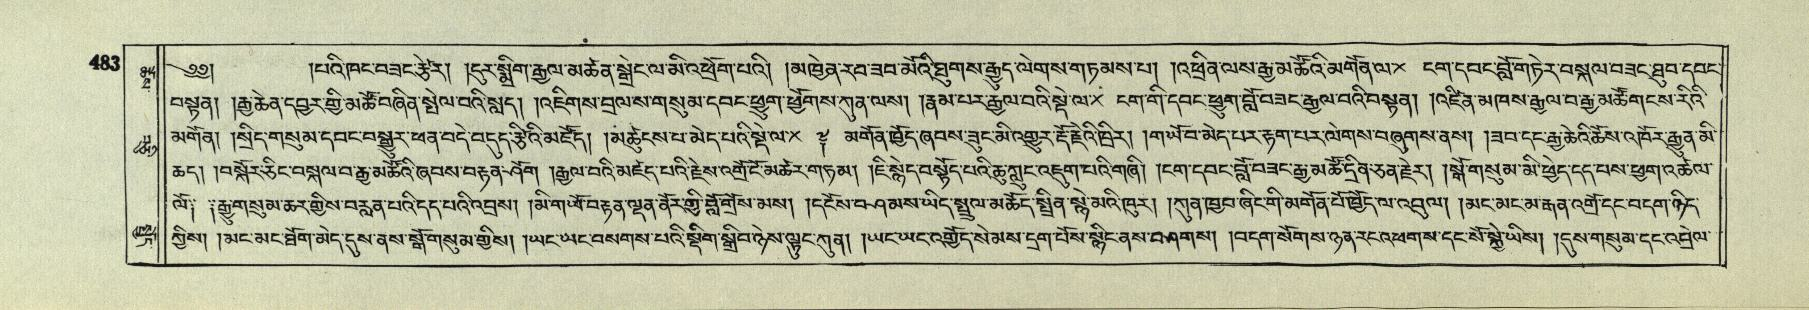༄༅། །པའི་ཁང་བཟང་རྩེར། །དུར་སྨྲིག་རྒྱལ་མཚན་སྒྲེང་ལ་མི་འཕྲོག་པའི། །མཁྱེན་རབ་ཟབ་མོའི་ཐུགས་རྒྱུད་ལེགས་གཏམས་པ། །ཕྲིན་ལས་རྒྱ་མཚོའི་མགོན་ལ་྾་ངག་དབང་བློ་གཏེར་བསྐལ་བཟང་ཐུབ་དབང་
བསྟན། །རྒྱ་ཆེན་དབྱར་གྱི་མཚོ་བཞིན་སྤེལ་བའི་སླད། །འཇིགས་བྲལ་ས་གསུམ་དབང་ཕྱུག་ཕྱོགས་ཀུན་ལས། །རྣམ་པར་རྒྱལ་བའི་སྡེ་ལ་྾་ངག་གི་དབང་ཕྱུག་བློ་བཟང་རྒྱལ་བའི་བསྟན། །འཛིན་མཁས་རྒྱལ་བ་རྒྱ་མཚོ་གངས་རིའི་
མགོན། །སྲིད་གསུམ་དབང་བསྒྱུར་ཕན་བདེ་བདུད་རྩིའི་མཛོད། །མཚུངས་པ་མེད་པའི་སྡེ་ལ་྾་འ་མགོན་ཁྱོད་ཞབས་ཟུང་མི་འགྱུར་རྡོ་རྗེའི་ཁྲིར། །གཡོ་བ་མེད་པར་རྟག་པར་ལེགས་བཞུགས་ནས། །ཟབ་དང་རྒྱ་ཆེའི་ཆོས་འཁོར་རྒྱུན་མི་
ཆད། །བསྐོར་ཅིང་བསྐལ་བ་རྒྱ་མཚོའི་ཞབས་བརྟན་ཤོག །རྒྱལ་བའི་མཛད་པའི་རྗེས་འགྲོ་ངོ་མཚར་གཏམ། །ཇི་སྙེད་བསྟོད་པའི་ཆུ་ཀླུང་འཇུག་པའི་གཞི། །ངག་དབང་བློ་བཟང་རྒྱ་མཚོ་དྲིན་ཅན་རྗེར། །སྒོ་གསུམ་མི་ཕྱེད་དད་པས་ཕྱག་འཚལ་
ལོ༑ ༑རྒྱུ་གསུམ་ཆར་གྱིས་བརླན་པའི་དད་པའི་འབྲས། །མི་གཡོ་བརྟན་ལྡན་ནོར་གྱི་བློ་གྲོས་མས། །དངོས་བཤམས་ཡིད་སྤྲུལ་མཆོད་སྤྲིན་སྙེ་མའི་ཁུར། །ཀུན་ཁྱབ་ཞིང་གི་མགོན་པོ་ཁྱོད་ལ་འབུལ། །མང་མང་མ་རྒན་འགྲོ་དང་བདག་ཉིད་
ཀྱིས། །མང་མང་ཐོག་མེད་དུས་ནས་སྒོ་གསུམ་གྱིས། །ཡང་ཡང་བསགས་པའི་སྡིག་སྒྲིབ་ཉེས་ལྟུང་ཀུན། །ཡང་ཡང་འགྱོད་སེམས་དྲག་པོས་སྙིང་ནས་བཤགས། །བདག་སོགས་ཉན་རང་འཕགས་དང་སོ་སྐྱེ་ཡིས། །དུས་གསུམ་དང་འབྲེལ་